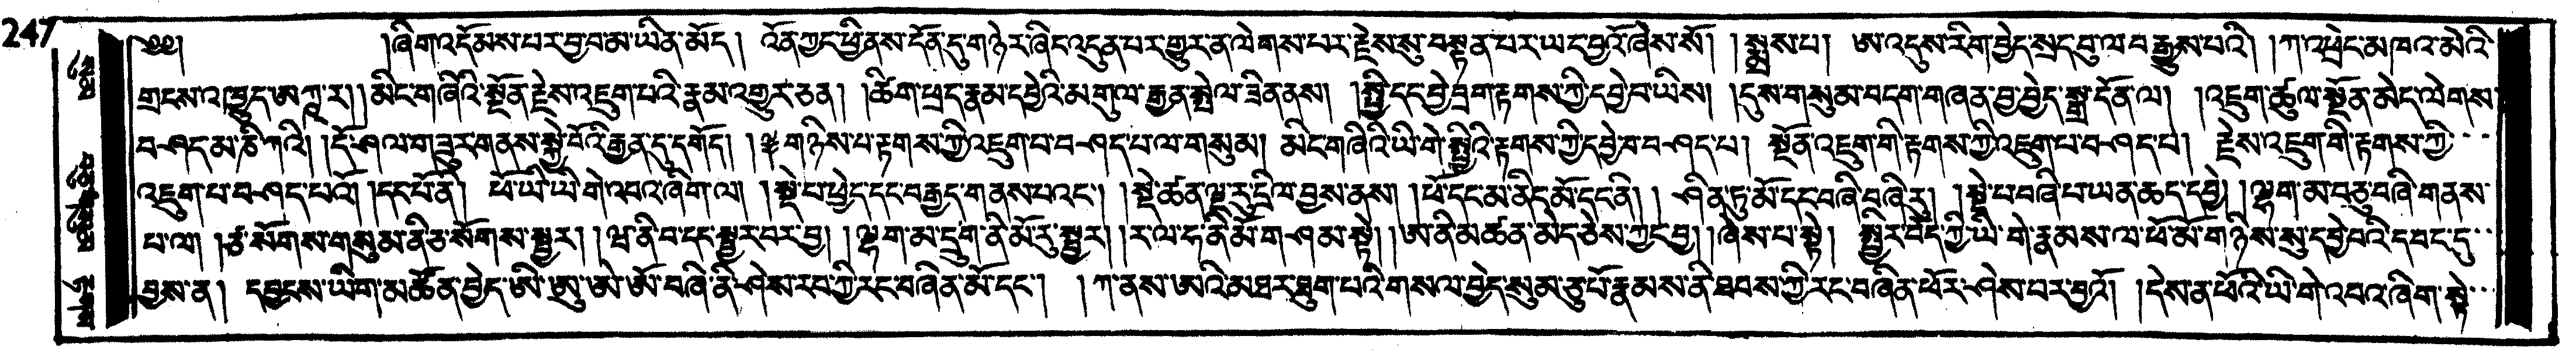༄༅། །ཞིག་འདོམས་པར་བྱ་བ་མ་ཡིན་མོད། འོན་ཀྱང་ཕྱི་ནས་དོན་དུ་གཉེར་ཞིང་འདུན་པར་གྱུར་ན་ལེགས་པར་རྗེས་སུ་བསྟན་པར་ཡང་བྱའོ་ཞེས་སོ། །སྨྲས་པ། ཨ་འདུས་རིག་བྱེད་སྲད་བུ་ལ་བརྒྱུས་པའི། །ཀ་འཕྲེང་མཁའ་མེའི་
གྲངས་འཁྱུད་ཨཀྵ་ར། །མིང་གཞིའི་སྔོན་རྗེས་འཇུག་པའི་རྣམ་འགྱུར་ཅན། །ཚིག་ཕྲད་རྣམ་དབྱེའི་མགུལ་རྒྱན་སྤེལ་ཟིན་ནས། །སྤྱི་དང་བྱེ་བྲག་རྟགས་ཀྱི་དབྱེ་བ་ཡིས། །དུས་གསུམ་བདག་གཞན་བྱ་བྱེད་སྒྲ་དོན་ལ། །འཇུག་ཚུལ་སྔོན་མེད་ལེགས་
བཤད་མ་ཎི་ཀའི། །དོ་ཤལ་གཟུར་གནས་སྐྱེ་བོའི་རྒྱན་དུ་དགོད། །འགྙིས་པ་རྟགས་ཀྱི་འཇུག་པ་བཤད་པ་ལ་གསུམ། མིང་གཞིའི་ཡི་གེ་སྤྱིའི་རྟགས་ཀྱི་དབྱེ་བ་བཤད་པ། སྔོན་འཇུག་གི་རྟགས་ཀྱི་འཇུག་པ་བཤད་པ། རྗེས་འཇུག་གི་རྟགས་ཀྱི་
འཇུག་པ་བཤད་པའོ། །དང་པོ་ནི། ཕོ་ཡི་གེ་འབའ་ཞིག་ལ། །སྡེ་པ་ཕྱེད་དང་བརྒྱད་གནས་པའང་། །སྡེ་ཚན་ལྔ་རུ་དྲིལ་བྱས་ནས། །ཕོ་དང་མ་ནིང་མོ་དང་ནི། ཤིན་ཏུ་མོ་དང་བཞི་བཞི་རུ། །སྡེ་པ་བཞི་པ་ཡན་ཆད་དབྱེ། །ལྷག་མ་བཅུ་བཞི་གནས་
པ་ལ། །ཙ་སོགས་གསུམ་ནི་ཅ་སོགས་སྦྱར། །ཝ་ནི་བ་དང་སྦྱར་བར་བྱ། །ལྷག་མ་དྲུག་ནི་མོ་རུ་སྦྱར། །ར་ལ་ཧ་ནི་མོ་གཤམ་སྟེ། །ཨ་ནི་མཚན་མེད་ཅེས་ཀྱང་བྱ། །ཞེས་པ་སྟེ། སྤྱིར་བོད་ཀྱི་ཡི་གེ་རྣམས་ལ་ཕོ་མོ་གཉིས་སུ་དབྱེ་བའི་དབང་དུ་
བྱས་ན། དབྱངས་ཡིག་མཚོན་བྱེད་ཨི་ཨུ་ཨེ་ཨོ་བཞི་ནི་ཤེས་རབ་ཀྱི་རང་བཞིན་མོ་དང་། །ཀ་ནས་ཨཱི་མཐར་ཐུག་པའི་གསལ་བྱེད་སུམ་ཅུ་པོ་རྣམས་ནི་ཐབས་ཀྱི་རང་བཞིན་ཕོར་ཤེས་པར་བྱའོ། །དེས་ན་ཕོའི་ཡི་གེ་འབའ་ཞིག་སྟེ་